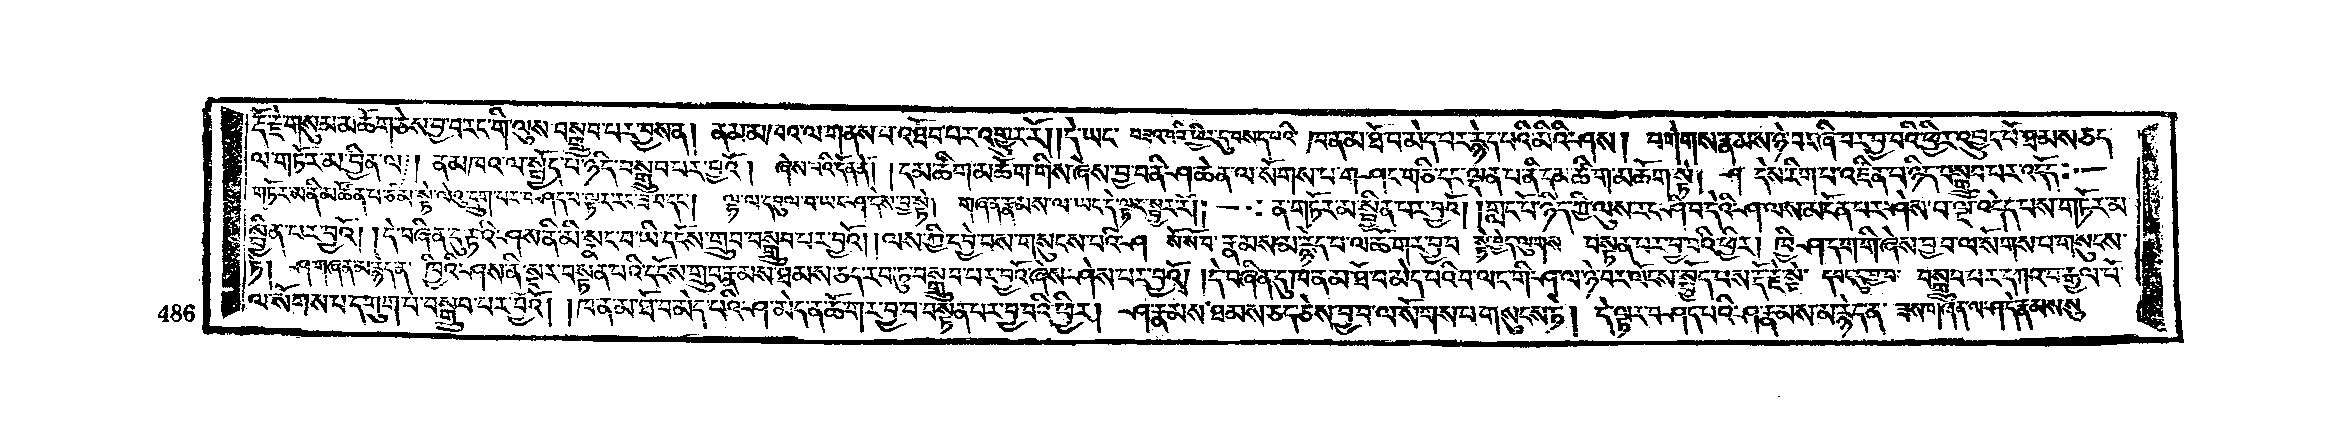རྡོ་རྗེ་གསུམ་མཆོག་ཅེས་བྱ་བ་རང་གི་ལུས་བསྒྲུབ་པར་བྱས་ན། ནམ་མཁའ་ལ་གནས་པ་འཐོབ་པར་འགྱུར་རོ། །དེ་ཡང་བཟའ་བའི་ཕྱིར་དུ་བསད་པའི་ཁ་ན་མ་ཐོ་བ་མེད་པར་རྙེད་པའི་མིའི་ཤས། བགེགས་རྣམས་ཉེ་བར་ཞི་བར་བྱ་བའི་ཕྱིར་འབྱུང་པོ་ཐམས་ཅད་
ལ་གཏོར་མ་བྱིན་ལ། ནམ་མཁའ་ལ་སྟོད་པ་ཉིད་བསྒྲུབ་པར་བྱའོ། ཞེས་པའི་དོན་ནོ། །དམ་ཚིག་མཆོག་གིས་ཞེས་བྱ་བ་ནི་ཤ་ཆེན་ལ་སོགས་པ་གཤང་གཅི་དང་ལྡན་པ་ནི་དམ་ཚིག་མཆོག་སྟེ། ཤ་དེས་རིག་པ་འཛིན་པ་ཉིད་བསྒྲུབ་པར་འདོད་
གཏོར་མ་ནི་མཚོན་པ་ཙམ་སྟེ་ལེའུ་དྲུག་པར་བཤད་པ་ལྟར་རང་ཟ་བ་དང་། ལྷ་ལ་དབུལ་བ་ཡང་ཤ་དེས་བྱ་སྟེ། གཞན་རྣམས་ལ་ཡང་དེ་ལྟར་སྦྱར་རོ།། ན་གཏོར་མ་སྦྱིན་པར་བྱའོ། །གླང་པོ་ཉིད་ཀྱི་ལུས་རང་ཤི་བ་དེའི་ཤ་ལས་མངོན་པར་ཤེས་པ་ལྔ་འདོད་པས་གཏོར་མ་
སྦྱིན་པར་བྱའོ། །དེ་བཞིན་དུ་རྟའི་ཤས་ནི་མི་སྣང་བ་ཡི་དངོས་གྲུབ་བསྒྲུབ་པར་བྱའོ། །ལས་ཀྱི་དབྱེ་བས་གསུངས་པའི་ཤ་སོ་སོ་བ་རྣམས་མ་རྙེད་པ་ལ་ཆོ་གར་བྱ་བ་སྟེ་བྱེད་ལུགས་བསྟན་པར་བྱ་བའི་ཕྱིར། ཁྱི་ཤ་དག་གི་ཞེས་བྱ་བ་ལ་སོགས་པ་གསུངས་
ཏེ། ཤ་གཞན་མ་རྙེད་ན་ཁྱིའི་ཤས་ནི་སྔར་བསྟན་པའི་དངོས་གྲུབ་རྣམས་ཐམས་ཅད་རབ་ཏུ་བསྒྲུབ་པར་བྱའོ་ཞེས་ཤེས་པར་བྱའོ། །དེ་བཞིན་དུ་ཁ་ན་མ་ཐོ་བ་མེད་པའི་བ་ལང་གི་ཤ་ལ་ཉེ་བར་ལོངས་སྤྱོད་པས་རྡོ་རྗེ་སྟེ་དབང་དུ་བྱ་བ་བསྒྲུབ་པར་དཀའ་བ་རྒྱལ་པོ་
ལ་སོགས་པ་དགུག་པ་བསྒྲུབ་པར་བྱའོ། །ཁ་ན་མ་ཐོ་བ་མེད་པའི་ཤ་མེད་ན་ཆོ་གར་བྱ་བ་བསྟན་པར་བྱ་བའི་ཕྱིར། ཤ་རྣམས་ཐམས་ཅད་ཅེས་བྱ་བ་ལ་སོགས་པ་གསུངས་ཏེ། དེ་ལྟར་བཤད་པའི་ཤ་རྣམས་མ་རྙེད་ན་ཟས་གཞན་ལ་ཤ་དེ་རྣམས་སུ་